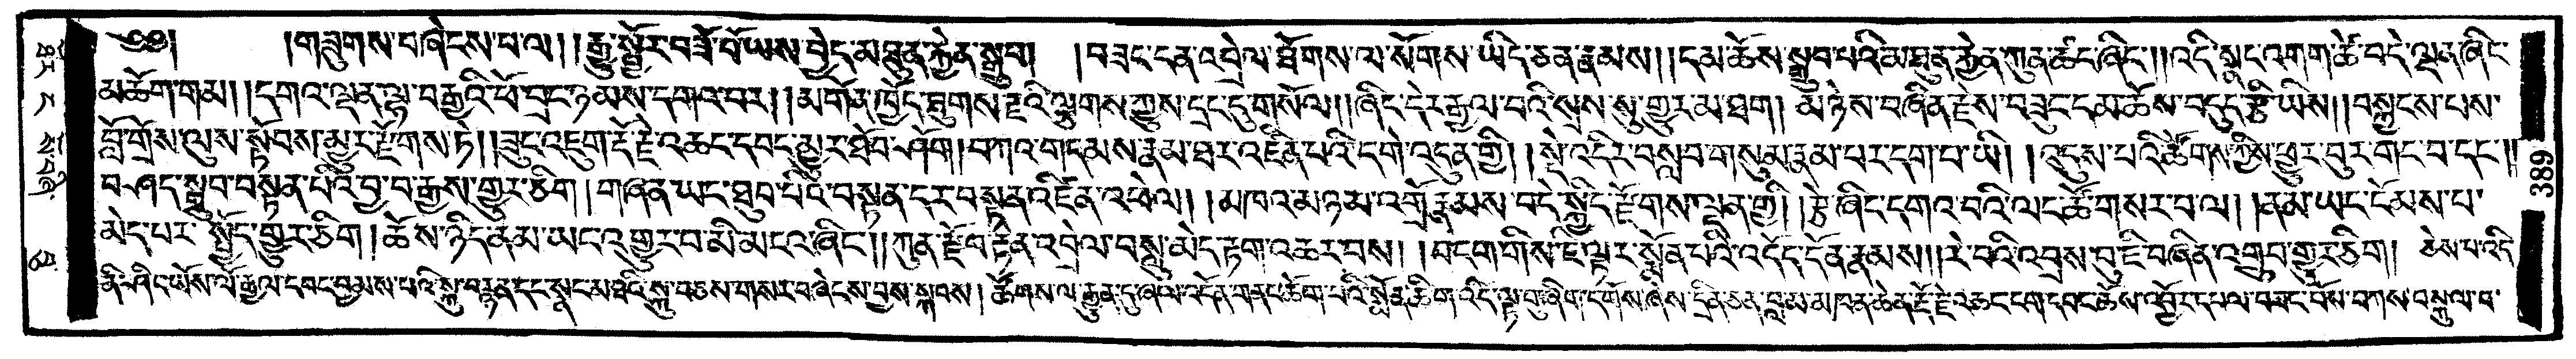༄༅། །གཟུགས་བཞེངས་པ་ལ། །རྒྱུ་སྦྱོར་བཟོ་བོ་ཡས་བྱེད་མཐུན་རྐྱེན་སྒྲུབ། །བཟང་ངན་འབྲེལ་ཐོགས་ལ་སོགས་ཡིད་ཅན་རྣམས། །དམ་ཆོས་སྒྲུབ་པའི་མཐུན་རྐྱེན་ཀུན་ཚང་ཞིང་། །འདི་སྣང་འགག་ཚེ་བདེ་ལྡན་ཞིང་
མཆོག་གམ། །དགའ་ལྡན་ལྷ་བརྒྱའི་ཕོ་བྲང་ཉམས་དགའ་བར། །མགོན་ཁྱོད་ཐུགས་རྗེའི་ལྕགས་ཀྱུས་དྲང་དུ་གསོལ། །ཞིང་དེར་རྒྱལ་བའི་སྲས་སུ་གྱུར་མ་ཐག །མཉེས་བཞིན་རྗེས་བཟུང་དམ་ཆོས་བདུད་རྩི་ཡིས། །བསྐྱངས་པས་
བློ་གྲོས་ལུས་སྟོབས་མྱུར་རྫོགས་ཏེ། །ཟུང་འཇུག་རྡོ་རྗེ་འཆང་དབང་མྱུར་ཐོབ་ཤོག །བཀའ་གདམས་རྣམ་ཐར་འཛིན་པའི་དགེ་འདུན་གྱི། །སྡེ་འདིར་བསླབ་གསུམ་རྣམ་པར་དག་པ་ཡི། །འདུས་པའི་ཚོགས་ཀྱིས་ཕྱུར་བུར་གང་བ་དང་། །
བཤད་སྒྲུབ་བསྟན་པའི་བྱ་བ་རྒྱས་གྱུར་ཅིག །གཞན་ཡང་ཐུབ་པའི་བསྟན་དར་བསྟན་འཛིན་འཕེལ། །མཁའ་མཉམ་འགྲོ་རྣམས་བདེ་སྐྱིད་རྫོགས་ལྡན་གྱི། །རྩེ་ཞིང་དགའ་བའི་ལང་ཚོ་གསར་པ་ལ། །ནམ་ཡང་ངོམས་པ་
མེད་པར་སྤྱོད་གྱུར་ཅིག །ཆོས་ཉིད་ནམ་ཡང་འགྱུར་བ་མི་མངའ་ཞིང་། །ཀུན་རྫོབ་རྟེན་འབྲེལ་བསླུ་མེད་རྟག་འཆར་བས། །བདག་གིས་ཇི་ལྟར་སྨོན་པའི་འདོད་དོན་རྣམས། །རེ་བའི་འབྲས་བུ་ཇི་བཞིན་འགྲུབ་གྱུར་ཅིག །ཅེས་པ་འདི་
ནི་ཤིང་ཡོས་ལོ་རྒྱལ་དབང་བྱམས་པའི་སྐུ་བརྙན་དང་སྣང་མཐའི་སྐུ་བཅས་གསར་བཞེངས་བྱས་སྐབས། ཚོགས་ལ་རྒྱུན་དུ་ཞལ་འདོན་གནང་ཆོག་པའི་སྨོན་ཚིག་འདི་ལྟ་བུ་ཞིག་དགོས་ཞེས་དྲིན་ཅན་བླ་མ་མཁན་ཆེན་རྡོ་རྗེ་འཆང་ངག་དབང་ཆོས་འབྱོར་དཔལ་བཟང་པོས་བཀས་བསྐུལ་བ་